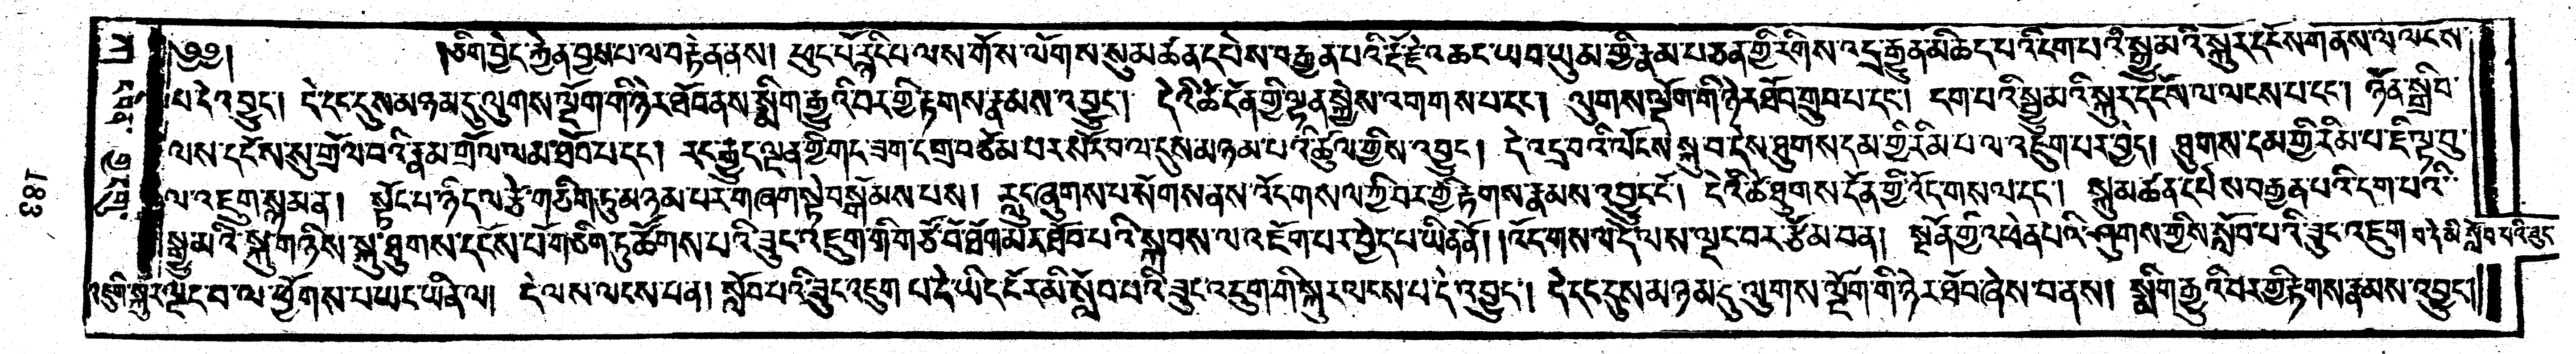༄༅། །ཅིག་བྱེད་རྐྱེན་བྱས་པ་ལ་བརྟེན་ནས། ཕུང་པོ་རྙིང་པ་ལས་གོ་ས་ལོགས་སུ་མཚན་དཔེས་བརྒྱན་པའི་རྡོ་རྗེ་འཆང་ཡབ་ཡུམ་གྱི་རྣམ་པ་ཅན་གྱི་རིགས་འདྲ་རྒྱུན་མི་ཆད་པའི་ངག་པའི་སྒྱུ་མའི་སྐུར་དངོས་གནས་ལ་ལངས་
པ་དེ་འབྱུང་། དེ་དང་དུས་མཉམ་དུ་ལུགས་ལྡོག་གི་ཉེར་ཐོབ་ནས་སྨིག་རྒྱུའི་བར་གྱི་རྟགས་རྣམས་འབྱུང་། དེའི་ཚེ་ངོན་གྱི་ལྷན་སྐྱེས་འགགས་པ་དང་། ལུགས་ལྡོག་གི་ཉེར་ཐོབ་གྲུབ་པ་དང་། དག་པའི་སྦྱུ་མའི་སྐུར་དངོས་ལ་ལངས་པ་དང་། ཉོན་སྒྲིབ་
ལས་དངོས་སུ་གྲོལ་བའི་རྣམ་གྲོལ་ལམ་ཐོབ་པ་དང་། རང་རྒྱུད་ལྡན་གྱི་གང་ཟག་དགྲ་བཅོམ་པར་སོར་བ་ལ་དུས་མཉམ་པའི་ཚུལ་གྱིས་འབྱུང་། དེ་འདྲ་བའི་ལོངས་སྐུ་བ་དེས་ཐུགས་དམ་གྱི་རིམ་པ་ལ་འཇུག་པར་བྱེད། ཐུགས་དམ་གྱི་རིམ་པ་ཇི་ལྟ་བུ་
ལ་འཇུག་སྙམ་ན། སྟོང་པ་ཉིད་ལ་རྩེ་གཅིག་ཏུ་མཉམ་པར་གཞག་སྟེ་བསྒོམས་པས། རླུང་ཞུགས་པ་སོགས་ནས་འོད་གསལ་གྱི་བར་གྱི་རྟགས་རྣམས་འབྱུང་ངོ། དེའི་ཚེ་ཐུགས་དོན་གྱི་འོད་གསལ་དང་། སྐུ་མཚན་དཔེས་བརྒྱན་པའི་དག་པའི་
སྒྱུ་མའི་སྐུ་གཉིས་སྐུ་ཐུགས་དངོས་པོ་གཅིག་ཏུ་ཚོགས་པའི་ཟུང་འཇུག་གི་གཙོ་བོ་ཐོག་མར་ཐོབ་པའི་སྐབས་ལ་འཇོག་པར་བྱེད་པ་ཡིན་ནོ། །འོད་གསལ་དེ་ལས་ལྡང་བར་རྩོམ་བ་ན། སྔོན་གྱི་འཕེན་པའི་ཤུགས་གྱིས་སློབ་པའི་ཟུང་འཇུག་བ་དེ་མི་སློབ་པའི་ཟུང་
འཇུག་གི་སྐུར་ལྡང་བ་ལ་ཕྱོགས་པ་ཡང་ཡིན་ལ། དེ་ལས་ལངས་པ་ན། སློབ་པའི་ཟུང་འཇུག་པ་དེ་ཡིད་ངོར་མི་སློབ་པའི་ཟུང་འཇུག་གི་སྐུར་ལངས་པ་དེ་འབྱུང་། དེ་དང་དུས་མཉམ་དུ་ལུགས་ལྡོག་གི་ཉེར་ཐོབ་ཞེས་བ་ནས། སྨིག་རྒྱུའི་བར་གྱི་རྟགས་རྣམས་འབྱུང་།